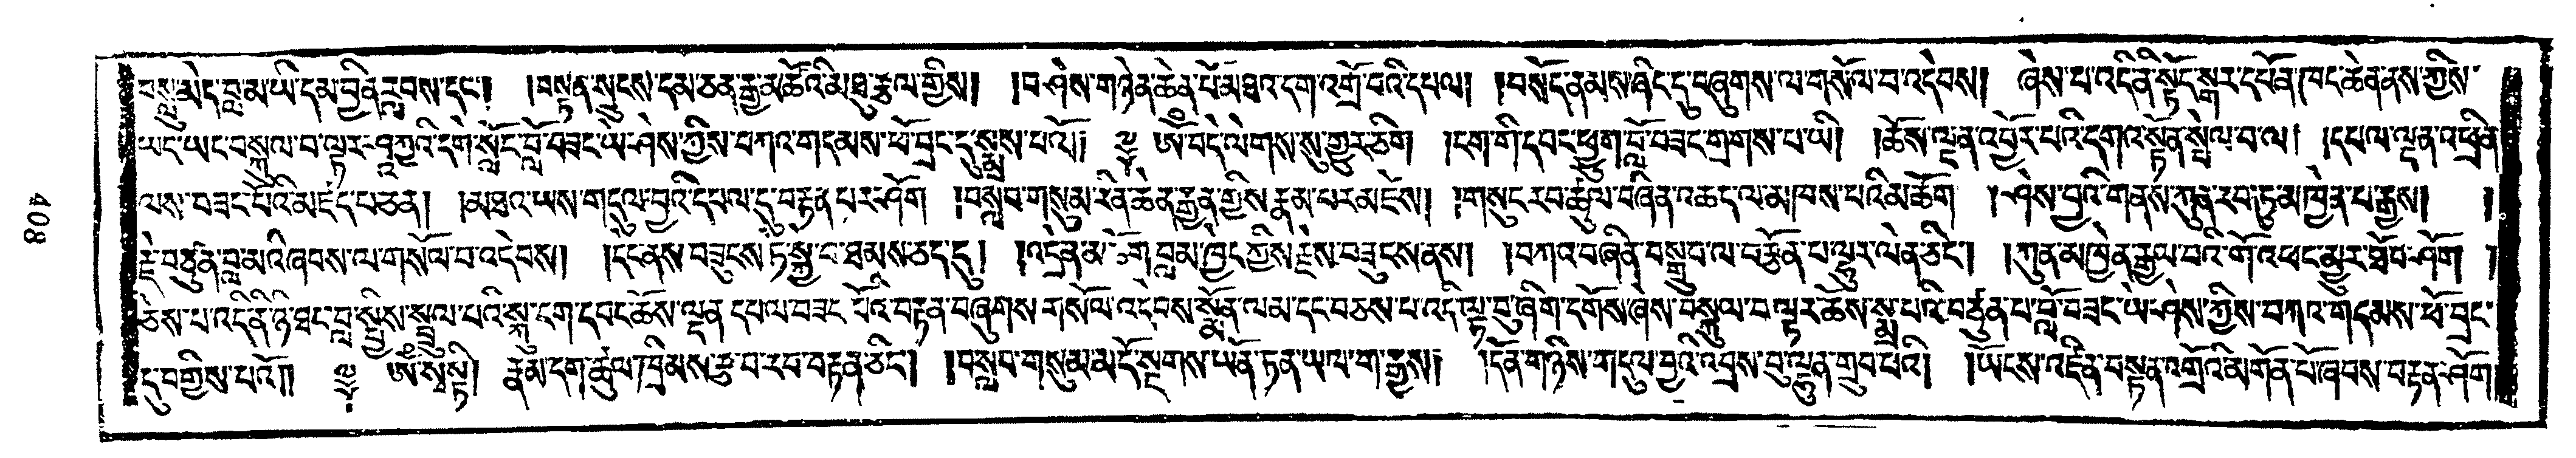བསླུ་མེད་བླ་མ་ཡི་དམ་བྱིན་རླབས་དང་། །བསྟན་སྲུངས་དམ་ཅན་རྒྱ་མཚོའི་མཐུ་རྩལ་གྱིས། །བཤེས་གཉེན་ཆེན་པོ་མཐའ་དག་འགྲོ་བའི་དཔལ། །བསོད་ནམས་ཞིང་དུ་བཞུགས་ལ་གསོལ་བ་འདེབས། ཞེས་པ་འདི་ནི་སྟོད་སྒར་དཔོན་ཁང་ཆེན་ནས་ཀྱིས་
ཡང་ཡང་བསྐུལ་བ་ལྟར་ཤཱཀྱའི་དགེ་སློང་བློ་བཟང་ཡེ་ཤེས་ཀྱིས་བཀའ་གདམས་ཕོ་བྲང་དུ་སྨྲས་པའོ།། ༈ ཨོཾ་བདེ་ལེགས་སུ་གྱུར་ཅིག །ངག་གི་དབང་ཕྱུག་བློ་བཟང་གྲགས་པ་ཡི། །ཆོས་ལྡན་འབྱོར་པའི་དགའ་སྟོན་སྤེལ་བ་ལ། །དཔལ་ལྡན་འཕྲིན་
ལས་བཟང་པོའི་མཛད་པ་ཅན། །མཐའ་ཡས་གདུལ་བྱའི་དཔལ་དུ་བརྟན་པར་ཤོག །བསླབ་གསུམ་རིན་ཆེན་རྒྱན་གྱིས་རྣམས་པར་མཛེས། །གསུང་རབ་ཚུལ་བཞིན་འཆད་ལ་མཁས་པའི་མཆོག །ཤེས་བྱའི་གནས་ཀུན་རབ་ཏུ་མཁྱེན་པ་རྒྱས།།
རྗེ་བཙུན་བླ་མའི་ཞབས་ལ་གསོལ་བ་འདེབས། །དེང་ནས་བཟུངས་ཏེ་སྐྱེ་བ་ཐམས་ཅད་དུ། །འདྲེན་མཆོག་བླ་མ་ཁྱེད་རྗེས་བཟུངས་ནས། །བཀའ་བཞིན་བསྒྲུབ་ལ་བརྩོན་པ་ལྷུར་ལེན་ཅིང་། །ཀུན་མཁྱེན་རྒྱལ་བའི་གོ་འཕང་མྱུར་ཐོབ་ཤོག །
ཅེས་པ་འདི་ནི་ཉི་ཐང་བླ་སྤྱིས་སྤྲུལ་པའི་སྐུ་ངག་དབང་ཆོས་ལྡན་དཔལ་བཟང་པོའི་བརྟན་བཞུགས་གསོལ་འདེབས་སྨོན་ལམ་དང་བཅས་པ་འདི་ལྟ་བུ་ཞིག་དགོས་ཞེས་བསྐུལ་བ་ལྟར་ཆོས་སྨྲ་པའི་བཙུན་པ་བློ་བཟང་ཡེ་ཤེས་ཀྱིས་བཀའ་གདམས་ཕོ་བྲང་
དུ་བགྱིས་པའོ།། ༈ ཨོཾ་སྭསྟི། རྣམ་དག་ཚུལ་ཁྲིམས་རྩ་བ་རབ་བརྟན་ཅིང་། །བ་སླབ་གསུམ་མདོ་སྔགས་ཡོན་ཏན་ཡལ་ག་རྒྱས། །དོན་གཉིས་གདུལ་བྱའི་འབྲས་བུ་ལྷུན་གྲུབ་པའི། །ཡོངས་འཛིན་བསྟན་འགྲོའི་མགོན་པོ་ཞབས་བརྟན་ཤོག།